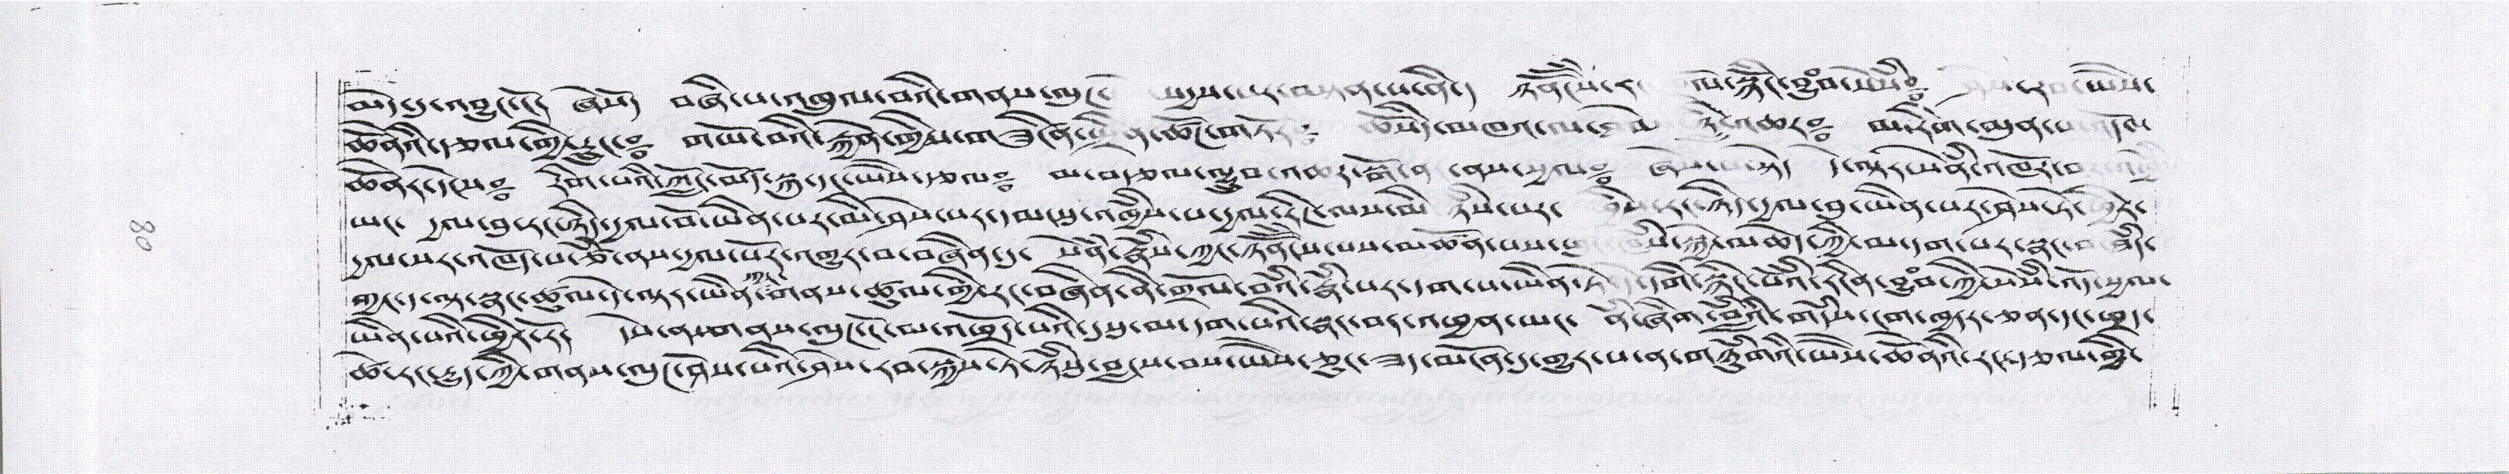མེད་དུ་འབྱུང་ངོ་། ཞེས་སོ། བཞི་པ་འཁྲུལ་པའི་གནས་ལུགས་ཡེ་སངས་རྒྱས་པར་བསྟན་པ་ནི། ཉོན་མོངས་རང་གྲོལ་སྙིང་པོ་བྱང་ཆུབ་སེམསཿ ཤེས་རབ་ཡེ་ཤེས་
ཆེན་པོའི་རྩལ་གྱི་རླུངཿ གཡོ་བའི་རྐྱེན་གྱིས་གཟུང་འཛིན་སྤྲིན་ཚོགས་གཏོརཿ ཆོས་ཉིད་མཁའ་ལ་ཐབས་ཤེས་ཉི་ཟླ་འཆརཿ མ་རིག་པ་མུན་པ་འོད་གསལ་
ཆེན་པོར་དེངསཿ རིག་པའི་ཀློང་མཛོད་སྐུ་དང་ཡེ་ཤེས་རྩལཿ མ་བརྩལ་ལྷུན་གྲུབ་འཆར་སྒོ་ནང་ནས་གསལཿ ཞེས་པ་སྟེ། དེ་ལྟར་སེམས་ཅན་འཁོར་བར་འཁྱམས་པ་
ཡང་། རྒྱལ་བུ་རང་ཉིད་རྒྱལ་པོ་ཡིན་པར་མི་ཤེས་པར་དམངས་སུ་འཁྱམས་པ་རྒྱལ་རིགས་ལས་མི་ཉམས་པར། ཕྱིས་རང་ཉིད་རྒྱལ་བུ་ཡིན་པར་ཤེས་ཏེ་ཕྱིར་
རྒྱལ་སར་འཁོད་པ་ཙམ་ནས་རྒྱལ་པོར་འགྱུར་བ་བཞིན་དུ། སེམས་ཅན་རྣམས་ཀྱང་ཉོན་མོངས་པས་མཚོན་པས་ཕུང་ཁམས་སྐྱེ་མཆེད་ཀྱི་མ་དག་པ་སྣང་བ་ཐམས་ཅད་
ཀྱང་ད་ལྟ་སྣང་ཚུལ་དེ་ལྟར་ཡིན་ཀྱང་གནས་ཚུལ་གྱི་རང་བཞིན་ནི་གྲོལ་བའམ་རྣམ་པར་དག་པ་ཡིན་ཏེ། དེ་དག་གི་སྙིང་པོའི་རང་བཞིན་བྱང་ཆུབ་ཀྱི་སེམས་འོད་གསལ་
ཡིན་པའི་ཕྱིར་རོ། དེས་ན་གནས་ལུགས་ངོ་མ་འཕྲོད་པའི་དུས་སུ་མ་དག་པའི་སྣང་བར་འཕྱན་ཡང་། ནམ་ཞིག་བླ་མའི་གདམས་ངག་ཁྱད་པར་ཅན་དང་འཕྲད་
ཚེ་རང་རྒྱུད་ཀྱི་གནས་ལུགས་ཤེས་པའི་ཤེས་རབ་སྐྱེས་ཏེ་ཉམས་སུ་བླང་བས་ཡེ་ཤེས་ཅུང་ཟད་མངོན་དུ་གྱུར་པ་ན་གཉུག་མའི་ཡེ་ཤེས་ཆེན་པོའི་རང་རྩལ་གྱི་